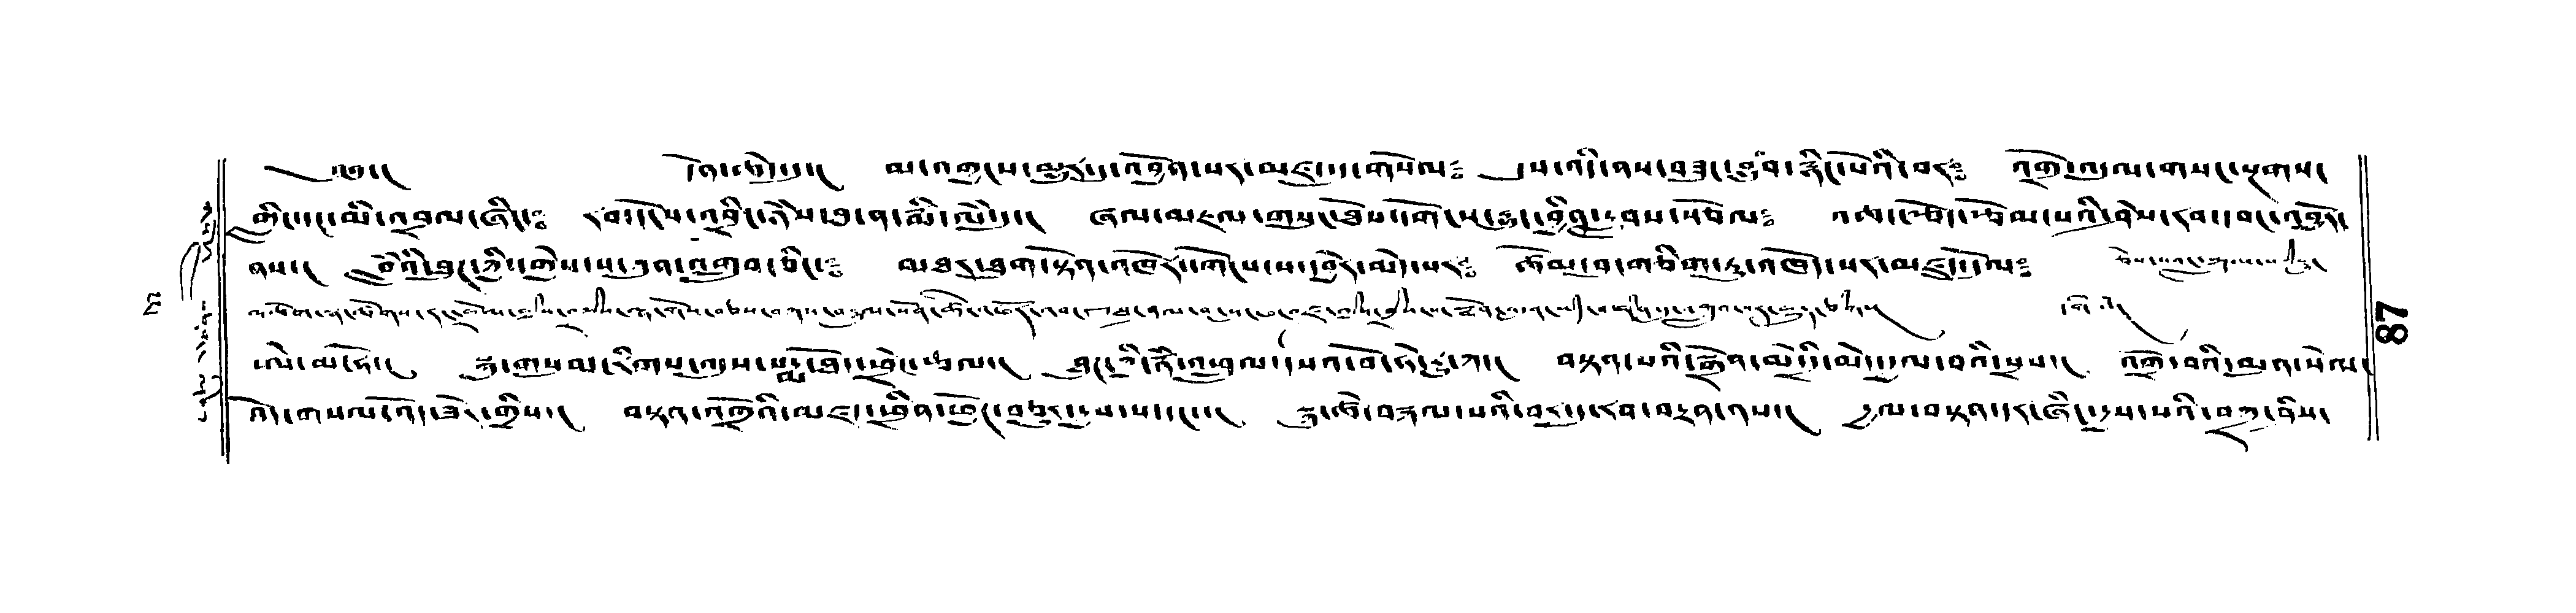དོན་ཆེད་དུ། །མ་འགྱངས་མྱུར་དུ་འབྱོན་པར་མཛད་དུ་གསོལ། །དུས་འདི་ནས་བཟུང་བྱང་ཆུབ་སྙིང་པོའི་བར། །འགྲོ་གའདུལ་གསང་སྔགས་
གླིང་དང་མི་འབྲལ་ཞིང་། རབ་དངོས་འབྲིང་ཉམས་ཐ་ན་རྨི་ལམ་དུ། །ཞལ་མཇལ་གསུང་ཐོས་དགོངས་རྒྱུད་བྱིན་རླབས་སྩོལ། །འཆད་རྩོད་རྩོམ་པའི་ཤེས་རབ་དབང་འབྱོར་
ནས། །བླ་མའི་ཐུགས་ཀྱི་དགྱེས་པ་ཀུན་འགྲུབ་ཅིང་། །མཐར་ཐུག་སྟོན་འཁོར་དགོངས་པ་དབྱེར་མེད་པར། །ཚོམ་བུ་གཅིག་ཏུ་འཁོད་པར་མཛད་དུ་གསོལ། ཅེས་པའང་སྤྲུལ་པའི་སྐུ་མཆོག་
སྣ་ཚོགས་རང་གྲོལ་གྱིས་བཀྲ་ཤིས་ལྷ་གོས་བཅས་བཀས་བསྐུལ་སོན་ཚེ་འཁོར་འབངས་ཐ་ཤལ་བ་སུ་ཁ་བཛྲ་གྱིས་བྲིས་པ་སྨོན་འདུན་ཡིད་བཞིན་དུ་འགྲུབ་པར་མྱུར་ཅིག དགེའོ།། 
ཨེ་མ་ཧོ།སྐུ་གསུམ་རིགས་འདུས་པདྨ་ཐོད་ཕྲེང་རྩལ། །ཐུགས་ཀྱི་རྣམ་འཕྲུལ་དཔའ་བོ་ཧེ་རུ་ཀ །བསྟན་པའི་སྒྲོན་མེ་དྲི་མེད་རྒྱལ་བའི་སྲས། །འགྲོ་བའི་མུན་སེལ་
འོད་གསལ་འོད་ཟེར་གྱིས། །བསྟན་འགྲོའི་མཛད་ཕྲིན་ཕྱོགས་བཅུར་རྒྱས་པ་དང་། །སྐུ་ཚེ་བསྐལ་པའི་བར་དུ་རབ་བརྟན་ནས། །རྒྱལ་བསྟན་དར་ཞིང་རྒྱས་པའི་བཀྲ་ཤིས་